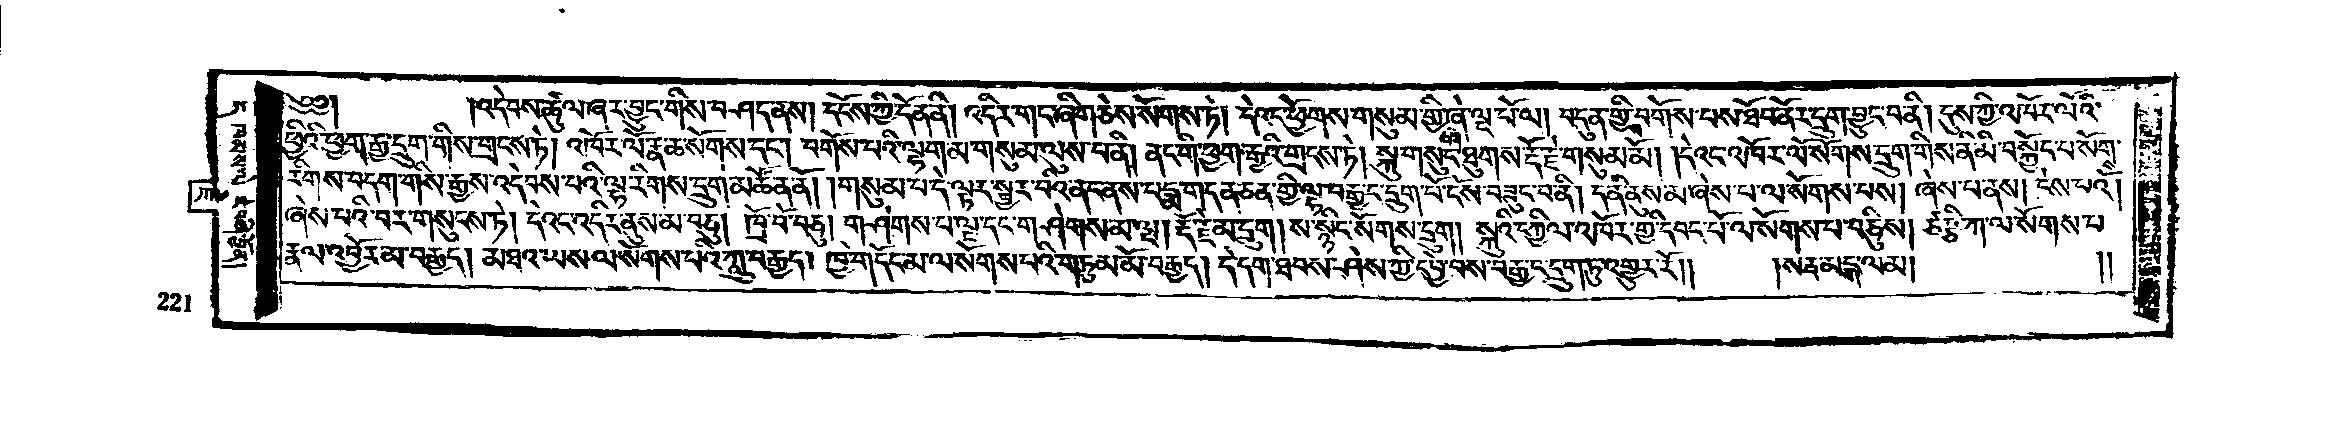༄༅། །འདེབས་ཚུལ་ཞར་བྱུང་གིས་བཤད་ནས། དངོས་ཀྱི་དོན་ནི། འདིར་གང་ཞིག་ཅེས་སོགས་ཏེ། དེའང་ཕྱོགས་གསུམ་གྱི་བཞི་བཞེ་ལྔ་པོ་ལ། བདུན་གྱིས་བགོས་པས་ཐོབ་ནོར་དྲུག་བྱུང་བ་ནི། དུས་ཀྱི་འཁོར་ལོའི་
ཕྱིའི་ཕྱག་རྒྱ་དྲུག་གིས་གྲངས་ཏེ། འཁོར་ལོ་རྣ་ཆ་སོགས་དང་། བགོས་པའི་ལྷག་མ་གསུམ་ལུས་པ་ནི། ནང་གི་ཕྱག་རྒྱའི་གྲངས་ཏེ། སྐུ་གསུང་ཐུགས་རྡོ་རྗེ་གསུམ་མོ། །དེའང་འཁོར་ལོ་སོགས་དྲུག་གིས་ནི་མི་བསྐྱོད་པ་སོགས་
རིགས་བདག་གིས་རྒྱས་འདེབས་པའི་ལྷ་རིགས་དྲུག་མཚོན་ནོ། །གསུམ་པ་དེ་ལྟར་སྦྱར་བའི་ནང་ནས་པདམ་གདན་ཅན་གྱི་ལྷ་བརྒྱ་ང་དྲུག་པོ་ངོས་བཟུང་བ་ནི། ད་ནི་ནུས་མ་ཞེས་པ་ལ་སོགས་པས། ཞེས་པ་ནས། ངེས་པའོ།
ཞེས་པའི་བར་གསུངས་ཏེ། དེའང་འདིར་ནུས་མ་བཅུ། ཁྲོ་བོ་བཅུ། གཤེགས་པ་ལྔ་དང་གཤེགས་མ་ལྔ། རྡོ་རྗེ་མ་དྲུག །ས་སྙིང་སོགས་དྲུག །སྐུའི་དཀྱིལ་འཁོར་གྱི་དབང་པོ་ལ་སོགས་པ་བཅུ་གཉིས། ཙ་རྩི་ཀ་ལ་སོགས་པ་
རྣལ་འབྱོར་མ་བརྒྱད། མཐའ་ཡས་ལ་སོགས་པའི་ཀླུ་བརྒྱད། ཁྱེ་གདོང་མ་ལ་སོགས་པའི་གཏུམ་མོ་བརྒྱད། དེ་དག་ཐབས་ཤེས་ཀྱི་དབྱེ་བས་བརྒྱ་ང་དྲུག་ཏུ་འགྱུར་རོ།། །སརྦ་མངྒ་ལམ། །།